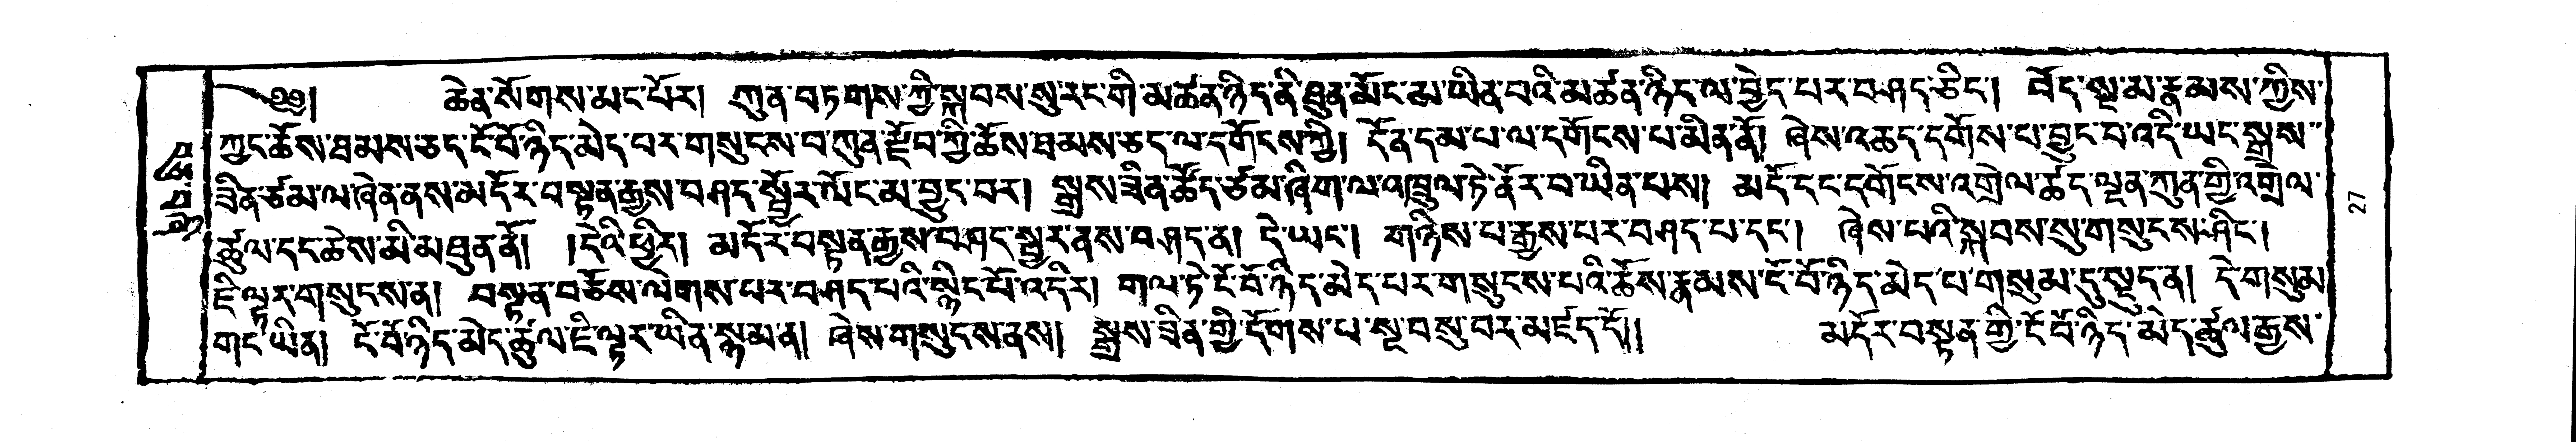༄༅། །ཆེན་སོགས་མང་པོར། ཀུན་བཏགས་ཀྱི་སྐབས་སུ་རང་གི་མཚན་ཉིད་ནི་ཐུན་མོང་མ་ཡིན་པའི་མཚན་ཉིད་ལ་བྱེད་པར་བཤད་ཅིང་། བོད་སྔ་མ་རྣམས་ཀྱིས་
ཀྱང་ཆོས་ཐམས་ཅད་ངོ་བོ་ཉིད་མེད་པར་གསུངས་པ་ཀུན་རྫོབ་ཀྱི་ཆོས་ཐམས་ཅད་ལ་དགོངས་ཀྱི། དོན་དམ་པ་ལ་དགོངས་པ་མིན་ནོ། ཞེས་འཆད་དགོས་པ་བྱུང་བའི་འདི་ཡང་སྒྲས་
ཟིན་ཙམ་ལ་ཞེན་ནས་མདོར་བསྟན་རྒྱས་བཤད་སྦྱོར་ལོང་མ་བྱུང་བར། སྒྲས་ཟིན་ཚོད་ཙམ་ཞིག་ལ་འཁྲུལ་ཏེ་ནོར་བ་ཡིན་པས། མདོ་དང་དགོངས་འགྲེལ་ཚད་ལྡན་ཀུན་གྱི་འགྲེལ་
ཚུལ་དང་ཆེས་མི་མཐུན་ནོ། །དེའི་ཕྱིར། མདོར་བསྟན་རྒྱས་བཤད་སྦྱར་ནས་བཤད་ན། དེ་ཡང་། གཉིས་པ་རྒྱས་པར་བཤད་པ་དང་། ཞེས་པའི་སྐབས་སུ་གསུངས་ཤིང་།
ཇི་ལྟར་གསུངས་ན། བསྟན་བཅོས་ལེགས་པར་བཤད་པའི་སྙིང་པོ་འདིར། གལ་ཏེ་ངོ་བོ་ཉིད་མེད་པར་གསུངས་པའི་ཆོས་རྣམས་ངོ་བོ་ཉིད་མེད་པ་གསུངས་དུ་སྡུད་ན། དེ་གསུམ་
གང་ཡིན། ངོ་བོ་ཉིད་མེད་ཚུལ་ཇི་ལྟར་ཡིན་སྙམ་ན། ཞེས་གསུངས་ནས། སྒྲས་ཟིན་གྱི་དགོས་པ་སྔ་བ་སུ་བར་མཛད་དོ། །མདོར་བསྟན་གྱི་ངོ་བོ་ཉིད་མེད་ཚུལ་རྒྱས་